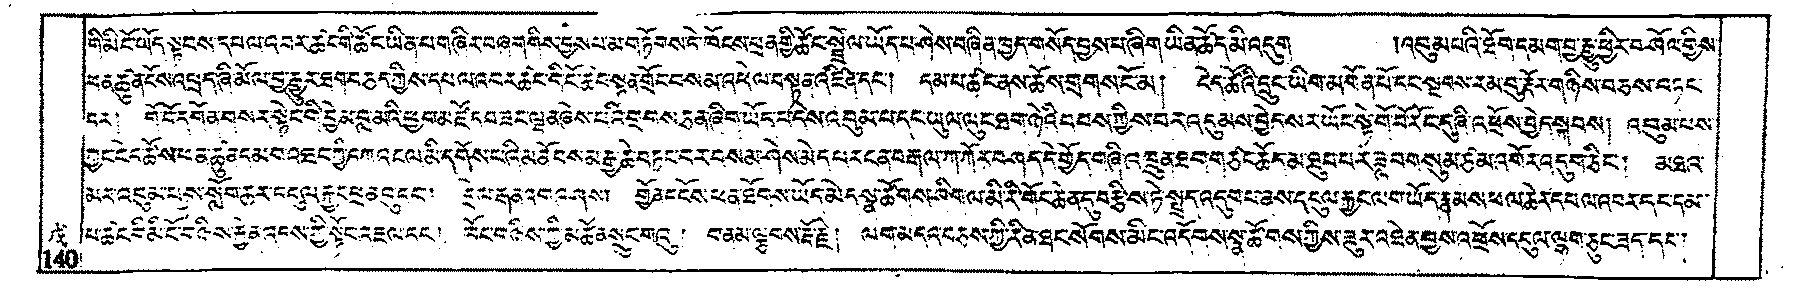གི་མི་ངོ་ཡོད་སྟབས་དཔལ་འབར་ཚང་གི་ཚོང་ཡིན་པ་གཞིར་བཞག་གིས་བྱས་པ་མ་གཏོགས་དེ་ཁོངས་ཕྲན་གྱི་ཚོང་སྦྲེལ་ཡོད་པ་ཤེས་བཞིན་ཁྱད་གསོད་བྱས་པ་ཞིག་ཡིན་ཚོད་མི་འདུག །འབུམ་པའི་ཐོག་དམག་བྱ་རྒྱུ་ཕྱིར་བཤོལ་གྱིས་
ཕན་ཚུན་ངོས་འཕྲད་ཞི་མོལ་བྱ་རྒྱུར་ཐག་བཅད་ཀྱིས་དཔལ་འབར་ཚང་གི་ངོ་ཚབ་སྟན་གྲོང་བསམ་འཕེལ་བསྟན་འཛིན་དང་། དམ་པ་ཚང་ནས་ཆོས་གྲགས་ངོ་མ། ངེད་ཚོའི་དྲུང་ཡིག་མགོན་པོ་དང་སྔགས་རམ་བུ་རྡོར་གཉིས་བཅས་བཏང་
བར། གོ་བོ་དགོན་གསར་སྟེང་གི་བྱེ་མ་བླ་མའི་ཕྱག་མཛོད་བཟང་ལྡན་ཞེས་པའི་གྲགས་ཅན་ཞིག་ཡོད་པ་དེས་འབུམ་པ་དང་ཡུལ་ལུང་ཐག་ཉེའི་བབས་ཀྱིས་བར་འདུམས་བྱེད་སར་ཡོང་སྟེ་གོ་བོ་རོང་དུ་ཟི་འཕྲོས་བྱེད་སྐབས། འབུམ་པས་
ཀྱང་ངེད་ཚོས་ཕན་ཚུན་དམག་འཐབ་ཀྱི་དཀའ་ངལ་མི་དགོས་པའི་མནྡོ་བསམ་རྒྱ་ཆེ་བཏང་བར་བསམ་ཤེས་མེད་པར་ངན་བརྒལ་ཀ་ཀོར་བཤད་དེ་གྱོད་གཞི་འཁྲུན་ཐག་གཙང་ཆོས་མ་ཐུབ་པར་ཟླ་གསུམ་ཙམ་འགོར་འདུག་ཅིང་། མཐའ་
མར་འབུམ་པས་སློག་ཆར་དངུལ་རྐྱང་ཕྲན་བུ་དང་། དྲེལ་རྒན་འགའ་ཤས། གྱོན་དངོས་ཕན་ཐོགས་ཡོད་མེད་སྣ་ཚོགས་ཤིག་ལ་མི་རི་གོང་ཆེན་དུ་བརྩིས་ཏེ་སྤྲད་འདུག་པ་ནས་དངུལ་རྐྱང་ལག་ཡོད་རྣམས་ཕལ་ཆེར་དཔལ་འབར་དང་དམ་
པ་ཚང་གི་མི་ངོ་གཉིས་རྐྱེན་འདས་ཀྱི་སྟོང་འཇལ་དང་། ཁོང་གཉིས་ཀྱི་མཚོན་སྲུང་གའུ། གནམ་ལྕགས་རྡོ་རྗེ། ལག་མདའ་བཅས་ཀྱི་རིན་ཐང་སོགས་མིང་འདོགས་སྣ་ཚོགས་ཀྱིས་ཟུར་འཐེན་བྱས་འཕྲོས་དངུལ་ལྷག་ཅུང་ཟད་དང་།